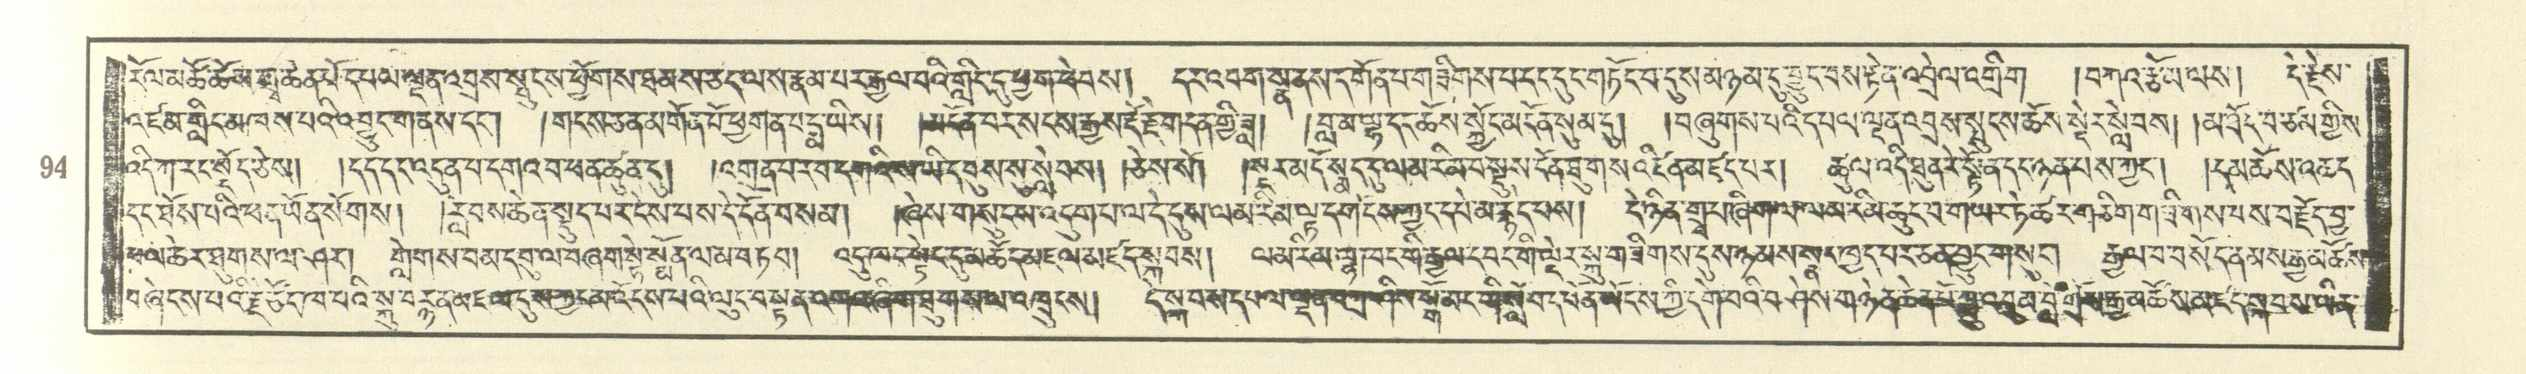རོལ་མཚོ་ཆོས་གྲྭ་ཆེན་པོ་དཔལ་ལྡན་འབྲས་སྤུངས་ཕྱོགས་ཐམས་ཅད་ལས་རྣམ་པར་རྒྱལ་བའི་གླིང་དུ་ཕྱག་ཕེབས། དར་འབག་སྣ་ནས་དགོན་པ་གཟིགས་པ་དང་དུང་གཏོང་བ་དུས་མཉམ་དུ་བྱུང་བས་རྟེན་འབྲེལ་འགྲིག །བཀའ་རྩོམ་ལས། དེ་རྗེས་
འཛམ་གླིང་མཁས་པའི་འབྱུང་གནས་དང་། །གངས་ཅན་མགོན་པོ་ཕྱག་ན་པདམ་ཡིས། །མངོན་པར་སངས་རྒྱས་རྡོ་རྗེ་གདན་གྱི་ཟླ། །བླ་མ་ལྷ་དང་ཆོས་སྐྱོང་མངོན་སུམ་དུ། །བཞུགས་པའི་དཔལ་ལྡན་འབྲས་སྤུངས་ཆོས་སྡེར་སླེབས། །མ་ཐོང་བ་ཙམ་གྱིས་
འདི་ཀ་རང་སྡོད་ཅེས། །དད་དང་འདུན་པ་དགའ་བ་ཕན་ཚུན་དུ། །འགྲན་པ་རབ་དགའི་ས་ཡི་དབུས་སུ་སླེབས། །ཅེས་སོ། །སྔར་མདོ་སྨད་དུ་ལམ་རིམ་བསྡུས་དོན་ཐུགས་འཛིན་མཛད་པར། ཚུལ་འདི་ཐུན་རེ་སྟོན་དང་ཉན་པས་ཀྱང་། །དམ་ཆོས་འཆད་
དང་ཐོས་པའི་ཕན་ཡོན་སོགས། །རླབས་ཆེན་སྡུད་པར་ངེས་པས་དེ་དོན་བསམ། །ཞེས་གསུངས་འདུག་པ་ལ་དེ་དུས་ལམ་རིམ་ལྟ་དགོངས་ཀྱང་དཔེ་མ་རྙེད་པས། དེ་ཉིན་གྲྭ་པ་ཞིག་ལ་ལམ་རིམ་ཆུང་བ་གཡར་ཏེ་ཚར་གཅིག་གཟིགས་པས་བརྗོད་བྱ་
ཕལ་ཆེར་ཐུགས་ལ་ཤར། གླེགས་བམ་དབུ་ལ་བཞག་སྟེ་སྨོན་ལམ་བཏབ། འདུ་ཁང་སྟེང་དུ་མཆོད་མཇལ་མཛད་སྐབས། ལམ་རིམ་ལྷ་ཁང་གི་རྒྱལ་དབང་གི་ལྡེར་སྐུ་གཟིགས་དུས་ཉམས་སྣང་ཁྱད་པར་ཅན་བྱུང་གསུང་། རྒྱལ་བ་བསོད་ནམས་རྒྱ་མཚོས་
བཞེངས་པའི་རྗེ་ཙོང་ཁ་པའི་སྐུ་བརྙན་མཇལ་དུས་ཀྱང་མ་འོངས་པའི་ལུང་བསྟན་འགའ་ཞིག་ཐུགས་ལ་འཁྲུངས། དེ་སྐབས་དཔལ་ལྡན་བཀྲ་ཤིས་སྒོ་མང་གི་སློབ་དཔོན་ཡོངས་ཀྱི་དགེ་བའི་བཤེས་གཉེན་ཆེན་པོ་ཀླུ་འབུམ་བློ་གྲོས་རྒྱ་མཚོས་མཛད་སྐབས་ཡིན་